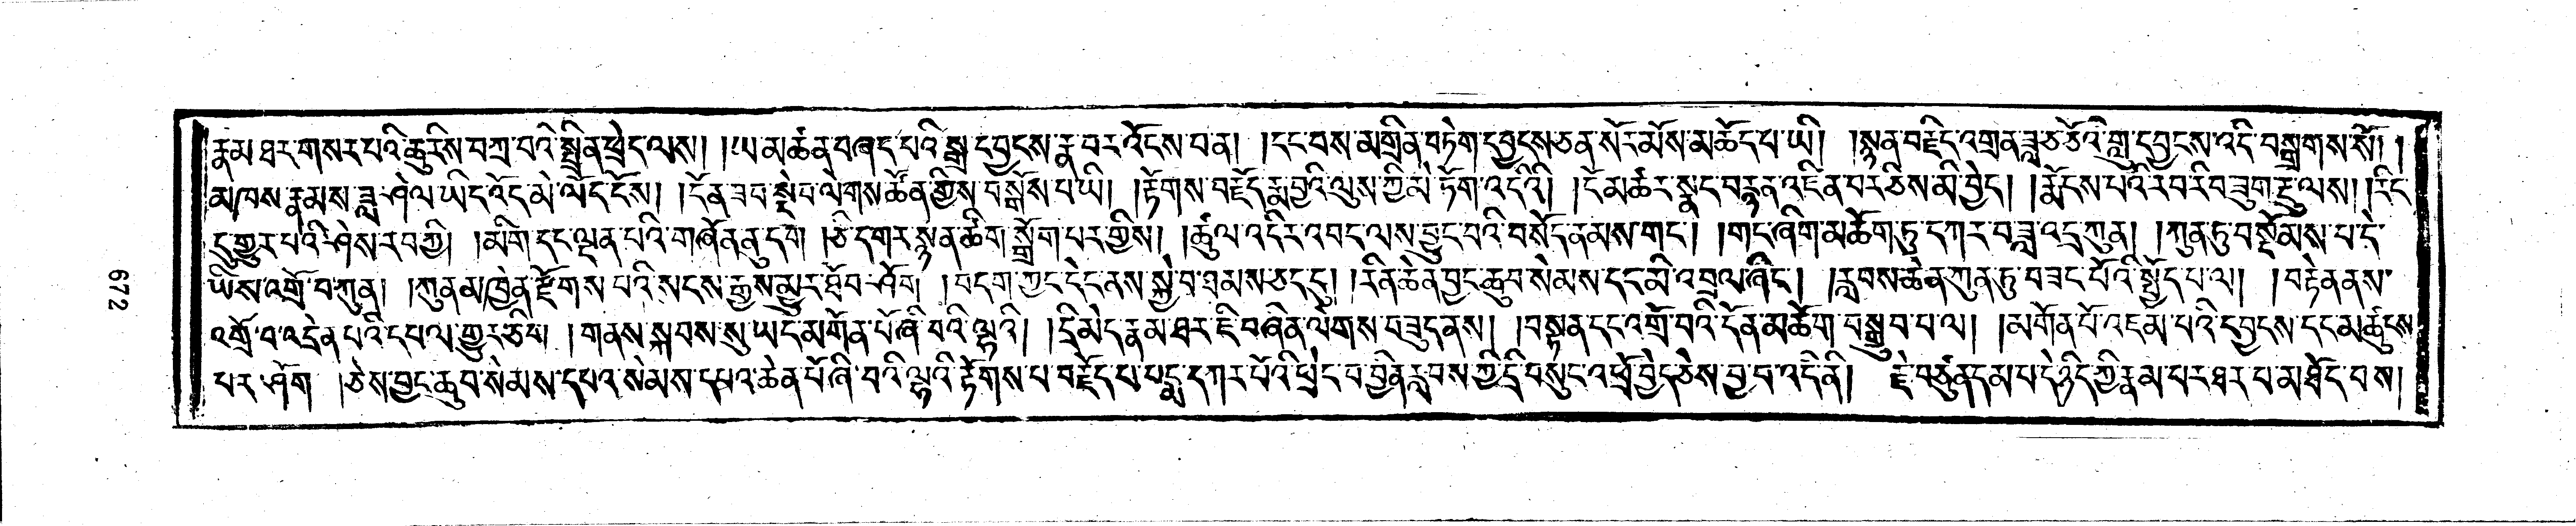རྣམ་ཐར་གསར་པའི་ཆུ་རིས་བཀྲ་བའི་སྤྲིན་ཕྲེང་ལས། །ཡ་མཚན་བཞད་པའི་སྒྲ་དབྱངས་རྣ་བར་འོངས་པ་ན། །དང་བས་མགྲིན་བཏེག་དབྱངས་ཅན་སོར་མོས་མཆོད་པ་ཡི། །སྙན་བརྗིད་འགྲན་ཟླ་ཅ་ཅོའི་གླུ་དབྱངས་འདི་བསྒྲགས་སོ། །
མཁས་རྣམས་ཟླ་ཤེལ་ཡིད་འོང་མེ་ལོང་ངོས། །དོན་ཟབ་སྡེབ་ལེགས་ཚོན་གྱིས་བསྒོས་པ་ཡི། །རྟོགས་བརྗོད་རྨ་བྱའི་ལུས་ཀྱི་མེ་ཏོག་འདིའི། །ངོ་མཚར་སྣང་བརྙན་འཛིན་པར་ཅིས་མི་བྱེད། །རྨོངས་པའི་རབ་རིབ་ཟུག་རྔུ་ལས། །རིང་
དུ་གྱུར་པའི་ཤེས་རབ་ཀྱི། །མིག་དང་ལྡན་པའི་གཞོན་ནུ་དག །ཅི་དགར་སྙན་ཚིག་སྒྲོག་པར་གྱིས། །ཚུལ་འདིར་འབད་ལས་བྱུང་བའི་བསོད་ནམས་གང་། །གང་ཞིག་མཆོག་ཏུ་དཀར་བ་ཟླ་འདྲ་ཀུན། །ཀུན་ཏུ་བསྡོམས་པ་དེ་
ཡིས་འགྲོ་བ་ཀུན། །ཀུན་མཁྱེན་རྫོགས་པའི་སངས་རྒྱས་མྱུར་ཐོབ་ཤོག །བདག་ཀྱང་དེང་ནས་སྐྱེ་བ་ཐམས་ཅད་དུ། །རིན་ཆེན་བྱང་ཆུབ་སེམས་དང་མི་འབྲལ་ཞིང་། །རླབས་ཆེན་ཀུན་ཏུ་བཟང་པོའི་སྤྱོད་པ་ལ། །བརྟེན་ནས་
འགྲོ་བ་འདྲེན་པའི་དཔལ་གྱུར་ཅིག །གནས་སྐབས་སུ་ཡང་མགོན་པོ་ཞི་བའི་ལྷའི། །དྲི་མེད་རྣམ་ཐར་ཇི་བཞིན་ལེགས་བཟུང་ནས། །བསྟན་དང་འགྲོ་བའི་དོན་མཆོག་བསྒྲུབ་པ་ལ། །མགོན་པོ་འཇམ་པའི་དབྱངས་དང་མཚུངས་
པར་ཤོག །ཅེས་བྱང་ཆུབ་སེམས་དཔའ་སེམས་དཔའ་ཆེན་པོ་ཞི་བའི་ལྷའི་རྟོགས་པ་བརྗོད་པ་པདམ་དཀར་པོའི་ཕྲེང་བ་བྱིན་རླབས་ཀྱི་དྲི་བསུང་འཕྲོ་བྱེད་ཅེས་བྱ་བ་འདི་ནི། རྗེ་བཙུན་དམ་པ་དེ་ཉིད་ཀྱི་རྣམ་པར་ཐར་པ་མཐོང་བས།